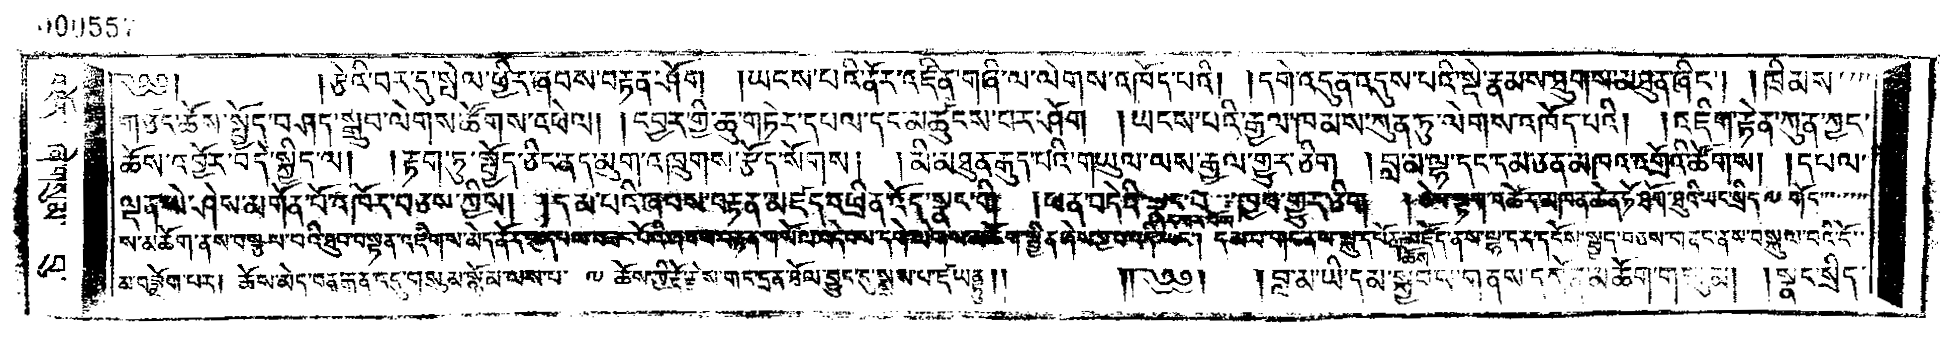༄༅། །རྩེའི་བར་དུ་སྤེལ་ཕྱིར་ཞབས་བརྟན་ཤོག །ཡངས་པའི་ནོར་འཛིན་གཞི་ལ་ལེགས་འཁོད་པའི། །དགེ་འདུན་འདུས་པའི་སྡེ་རྣམས་ཐུགས་མཐུན་ཞིང་། །ཁྲིམས་
གཙང་ཆོས་སྤྱོད་བཤད་སྒྲུབ་ལེགས་ཚོགས་འཕེལ། །དབྱར་གྱི་ཆུ་གཏེར་དཔལ་དང་མཚུངས་པར་ཤོག །ཡངས་པའི་རྒྱལ་ཁམས་ཀུན་ཏུ་ལེགས་འཁོད་པའི། །འཇིག་རྟེན་ཀུན་ཀྱང་
ཆོས་འབྱོར་བདེ་སྐྱིད་ལ། །རྟག་ཏུ་སྤྱོད་ཅིང་ནད་མུག་འཁྲུགས་རྩོད་སོགས། །མི་མཐུན་རྒུད་པའི་གཡུལ་ལས་རྒྱལ་གྱུར་ཅིག །བླ་མ་ལྷ་དང་དམ་ཅན་མཁའ་འགྲོའི་ཚོགས། །དཔལ་
ལྡན་ཡེ་ཤེས་མགོན་པོ་འཁོར་བཅས་ཀྱིས། །དམ་པའི་ཞབས་བརྟན་མཛད་འཕྲིན་འོད་སྣང་གི །ཕན་བདེའི་སྣང་བ་དཀར་པོས་ཁྱབ་གྱུར་ཅིག །ཅེས་སྟག་འཚེར་མཁན་ཆེན་ཧོ་ཐོག་ཐུའི་ཡང་སྲིད་༧གོང་
ས་མཆོག་ནས་བསྩལ་བའི་ཐུབ་བསྟན་འཇིགས་མེད་ནོར་བུ་དཔལ་བཟང་པོའི་ཞབས་བརྟན་གསོལ་འདེབས་དགེ་ལེགས་མཆོག་སྦྱིན་ཞེས་བྱ་བ་འདི་ཡང་། དམ་པ་གང་ནས་སྐུ་དཔོན་ཆོས་མཛོད་ནས་ལྷ་དར་དངོས་སྤྱད་བཅས་གནང་ནས་བསྐུལ་བའི་ངོ་
མ་བཟློག་པར། ཆོས་མེད་བན་རྒན་འདུ་གསུམ་སྙོམ་ལས་པ་༧་ཆོས་ཀྱི་རྡོ་རྗེས་གང་དྲན་ཐོལ་བྱུང་དུ་སྨྲས་པ་ཛ་ཡནྟུ།། །།༄༅། །བླ་མ་ཡི་དམ་སྐྱབས་གནས་དཀོན་མཆོག་གསུམ། །སྣང་སྲིད་